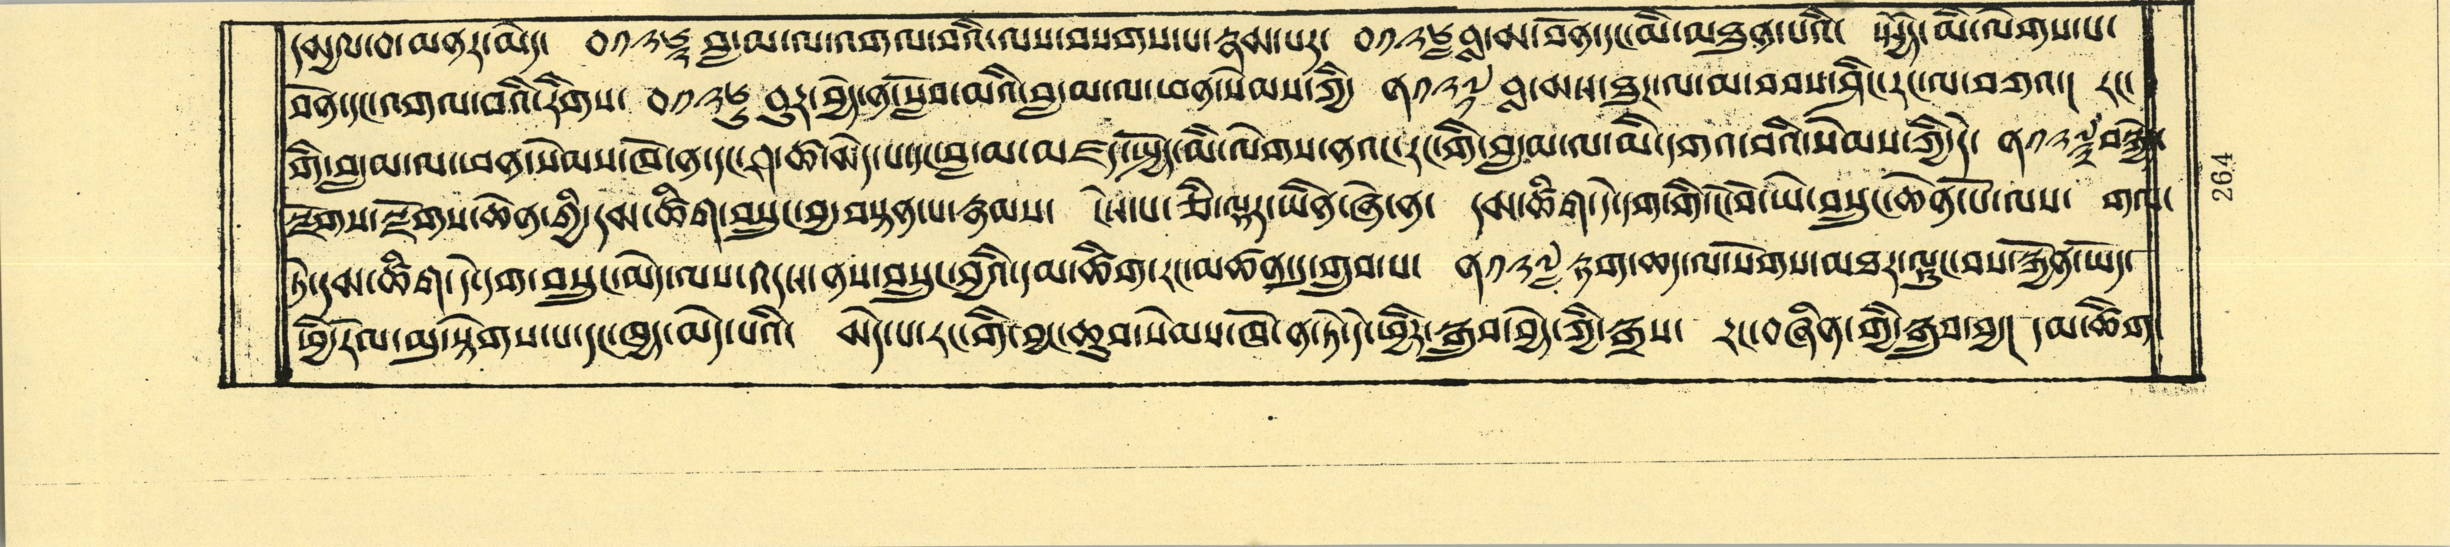༼དམྱལ་བ་༽མནར་མེད། བ༡༢༦།༢ བླ་མ་ལ་འགལ་བའི་ལས་བསགས་པ་ ༼རྣམ་པར་༽བ༡༢༦།༤ ༼བླ་མ་༽བོན་དང་མི་མཐུན་པའི། ༼སྤྱོད་༽མི་ལེགས་པ་
བོན་དང་འགལ་བའི་རིགས་བ༡༢༦།༦ ༼བུར་༽བྱེད་ན་སློབ་མའི་བླ་མ་ལ་ཕན་སེམས་ཀྱི་ན༡༢༧།༡ ༼བླ་མས་༽ཐུགས་ལ་མ་བབས་ཤིང་རང་ལ་བཀའ། རང་
གི་བླ་མ་ལ་ཕན་སེམས་ཁོ་ན་དང་ ༼ཤ་ཚ་མེད་པ་༽དང་བླ་མ་མཛད་སྤྱོད་མི་ལེགས་ནའང་རང་གི་བླ་མ་ལ་མི་དགའ་བའི་སེམས་ཀྱི་ ༼དེ་༽ན༡༢༧།༣ བསྐྱེད་
སྫོགས་སྫོགས་ཆེན་ ༼གྱི་དམ་ཚིག་༽བསྲུང་བྱ་བསྟན་པ་རྣམས། ༼ངེས་པ་༽ཅི་ལྟར་ཡིན་ཞེ་ན། ༼དམ་ཚིག་༽དེ་དག་གི་ངོ་བོ་ཡེ་བསྲུང་ཆེན་པོ་ལས། གལ་
ཏེ་ ༼དམ་ཚིག་༽དེ་དག་བསྲུང་མེད་ལས་ ༼འདས་༽ནས་བསྲུང་བྱའི་དམ་ཚིག་རང་མཚན་དུ་གྲུབ་པ། ན༡༢༧།༤ རྟག་ཆད་ལ་སོགས་མཐར་ལྟུང་བས་སྐྱོན་ཡོད་
ཕྱི་རོལ་མུ་སྟེགས་པ་དང་ཁྱད་མེད་པའི། ༼མེད་པ་༽རང་གི་བྱང་ཆུབ་སེམས་ཁོ་ན་ཏེ་དེ་ཕྱིར་སྒྲུབ་བྱེད་ཀྱི་སྒྲས། ༼རང་བཞིན་༽གྱི་སྒྲུབ་བྱ། དམ་ཚིག་